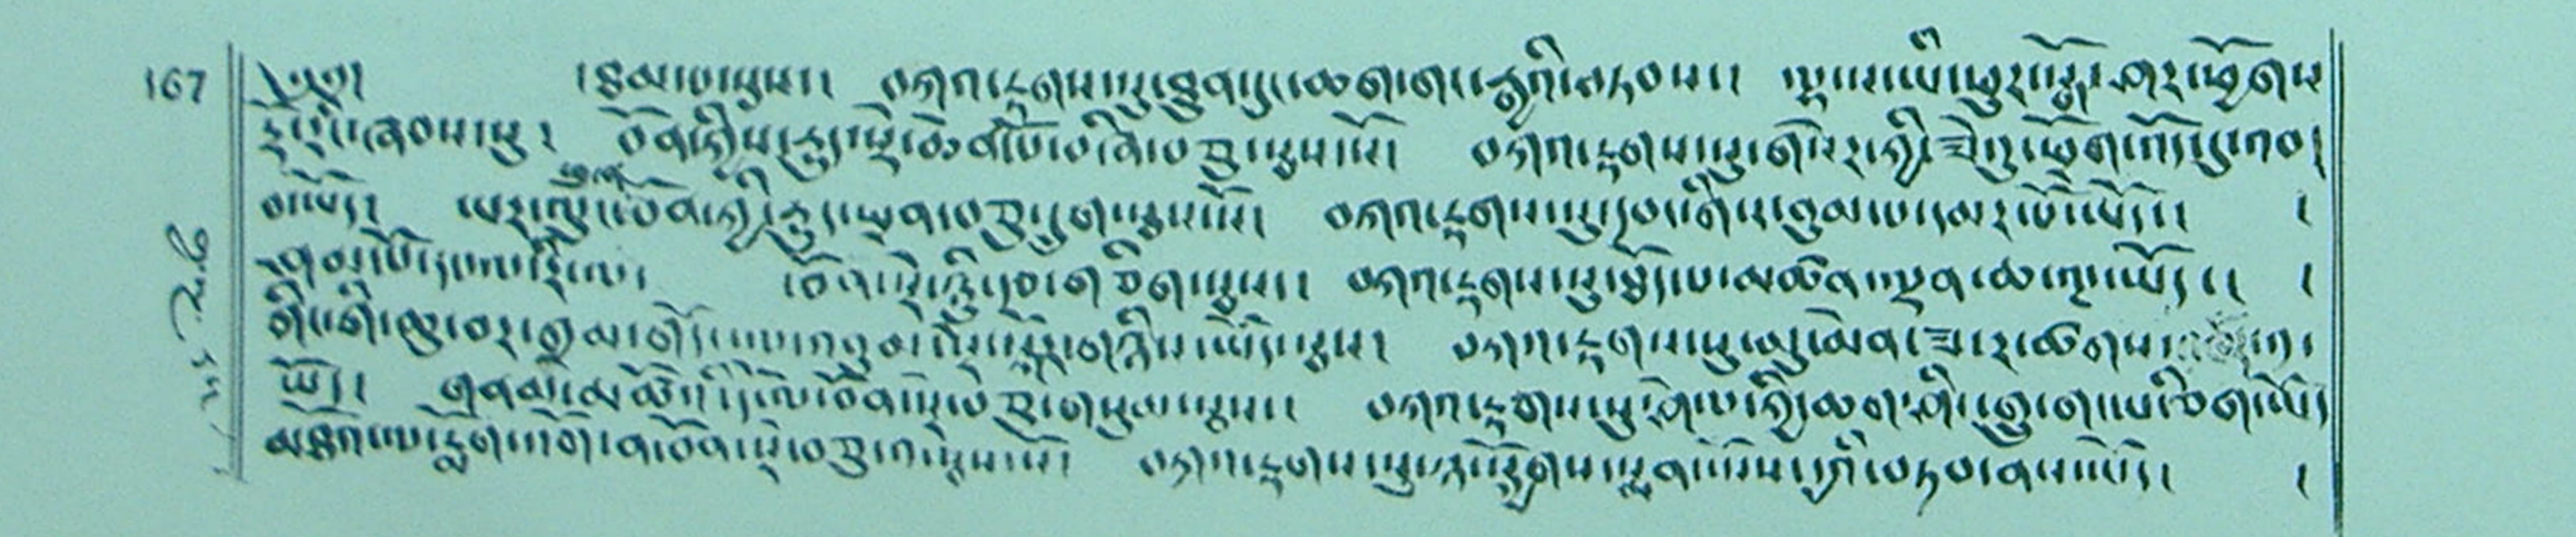༄༅། །ཐམ་པ་སྦས། བཀའ་རྟགས་སུ་ཐུན་དུང་ཆག་གང་རྒྱའི་བཏབ། ལྷ་ས་ཡི་ཕུར་སྒོ་ཤར་ཕྱོགས་
རྡོ་རིང་ཞབས་སུ། བོན་གྱི་རྒྱུད་སྡེ་ཆེན་པོ་བཞི་བཅུ་སྦས་སོ། །བཀའ་རྟགས་སུ་གསེར་གྱི་ཟེའུ་ཕྲོག་འོད་དུ་འབར་
བ་ཡོད། ཡར་ལུང་ཕུ་ན་བོན་གྱི་རྒྱུད་ཕྲན་བཅུ་དྲུག་སྦས་སོ། །བཀའ་རྟགས་སུ་དབང་གི་བུམ་པ་དམར་པོ་ཡོད།
 ཤམ་པོ་དཔལ་རི་ལ་བོན་སྡེ་ཉི་ཤུ་རྩ་གཅིག་སྦས། བཀའ་རྟགས་སུ་མཚན་ལྡན་ཆ་ལྔ་ཡོད། 
གིང་གི་ཆུ་བར་གྲམ་གདོང་ལ་འབུམ་སྡེ་སྐོར་གཉིས་སྦས། བཀའ་རྟགས་སུ་མུ་མེན་ཟ་ར་ཚགས་འཁོར་གཅིག་
ཡོད། གནམ་མཚོའི་དོ་ལ་བོན་སྡེ་བཅུ་གསུམ་སྦས། བཀའ་རྟགས་སུ་ཤེལ་གྱི་ཆག་ཤིང་གྲུ་གང་བ་ཅིག་ཡོད། 
མཐོ་ལ་རྨོག་འགོ་ན་བོན་སྡེ་བཅུ་གཅིག་སྦས་སོ། །བཀའ་རྟགས་སུ་ཉ་སྐྱོགས་སྨན་སྤོས་རྒྱ་ཡིས་བཏབ་ནས་ཡོད།